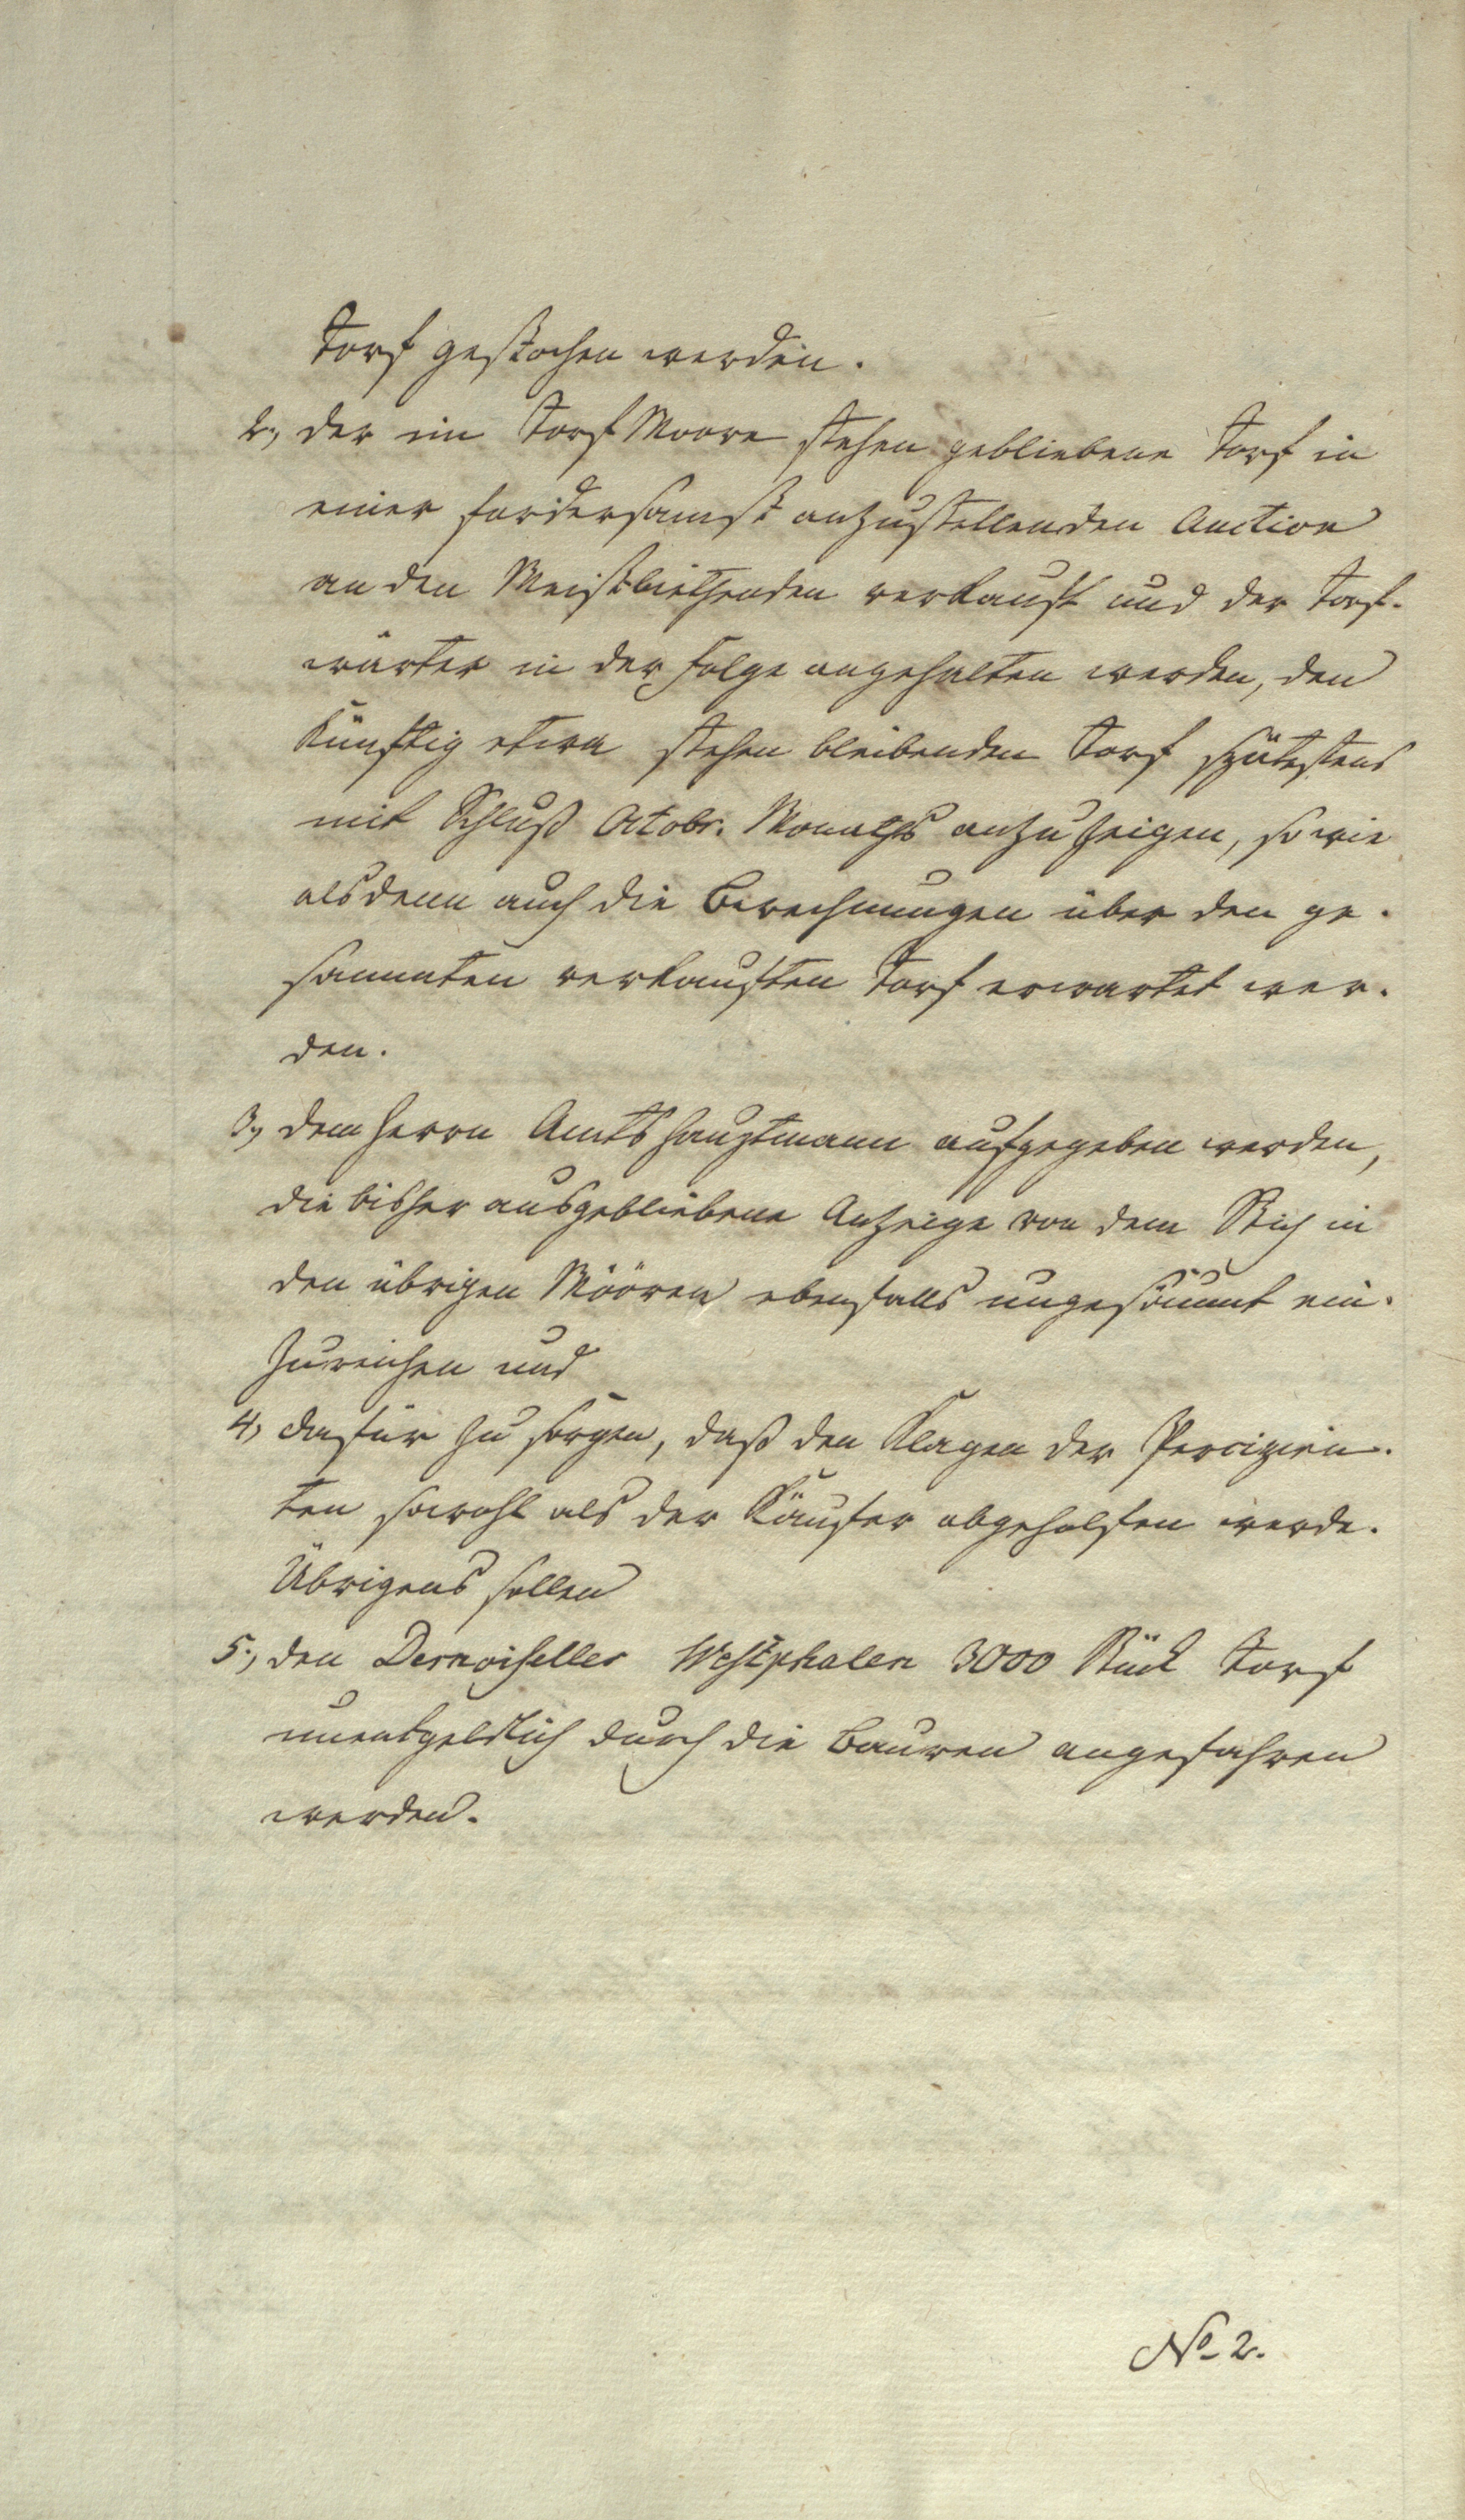Torf gestochen werden.
2., der im Torf Moore stehen gebliebene Torf in
einer furdersamst anzustellenden Auction
an den Meistbiethenden verkauft und der Torf¬
wärter in der Folge angehalten werden, den
künfig etwa stehen bleibenden Torf spätestens
mit Schluß Octobr. Monaths anzuzeigen, so wie
als denn auch die Berechnungen über den ge¬
sammten verkauften Torf erwartet wer¬
den.
3. dem Herrn Amtshauptmann aufgegeben worden,
die bisher ausgebliebene Anzeige von dem Stich in
den übrigen Möören ebenfalls ungesäumt ein¬
zureichen und
4, dafür zu sorgen, daß den Klagen der Percipien¬
ten sowohl als der Käufer abgeholfen werde
Übrigens sollen
5., den Demoiselles Wetphalen 3000 Stück Torf
unentgeldlich durch die Bauren angefahren
werden.
No. 2.